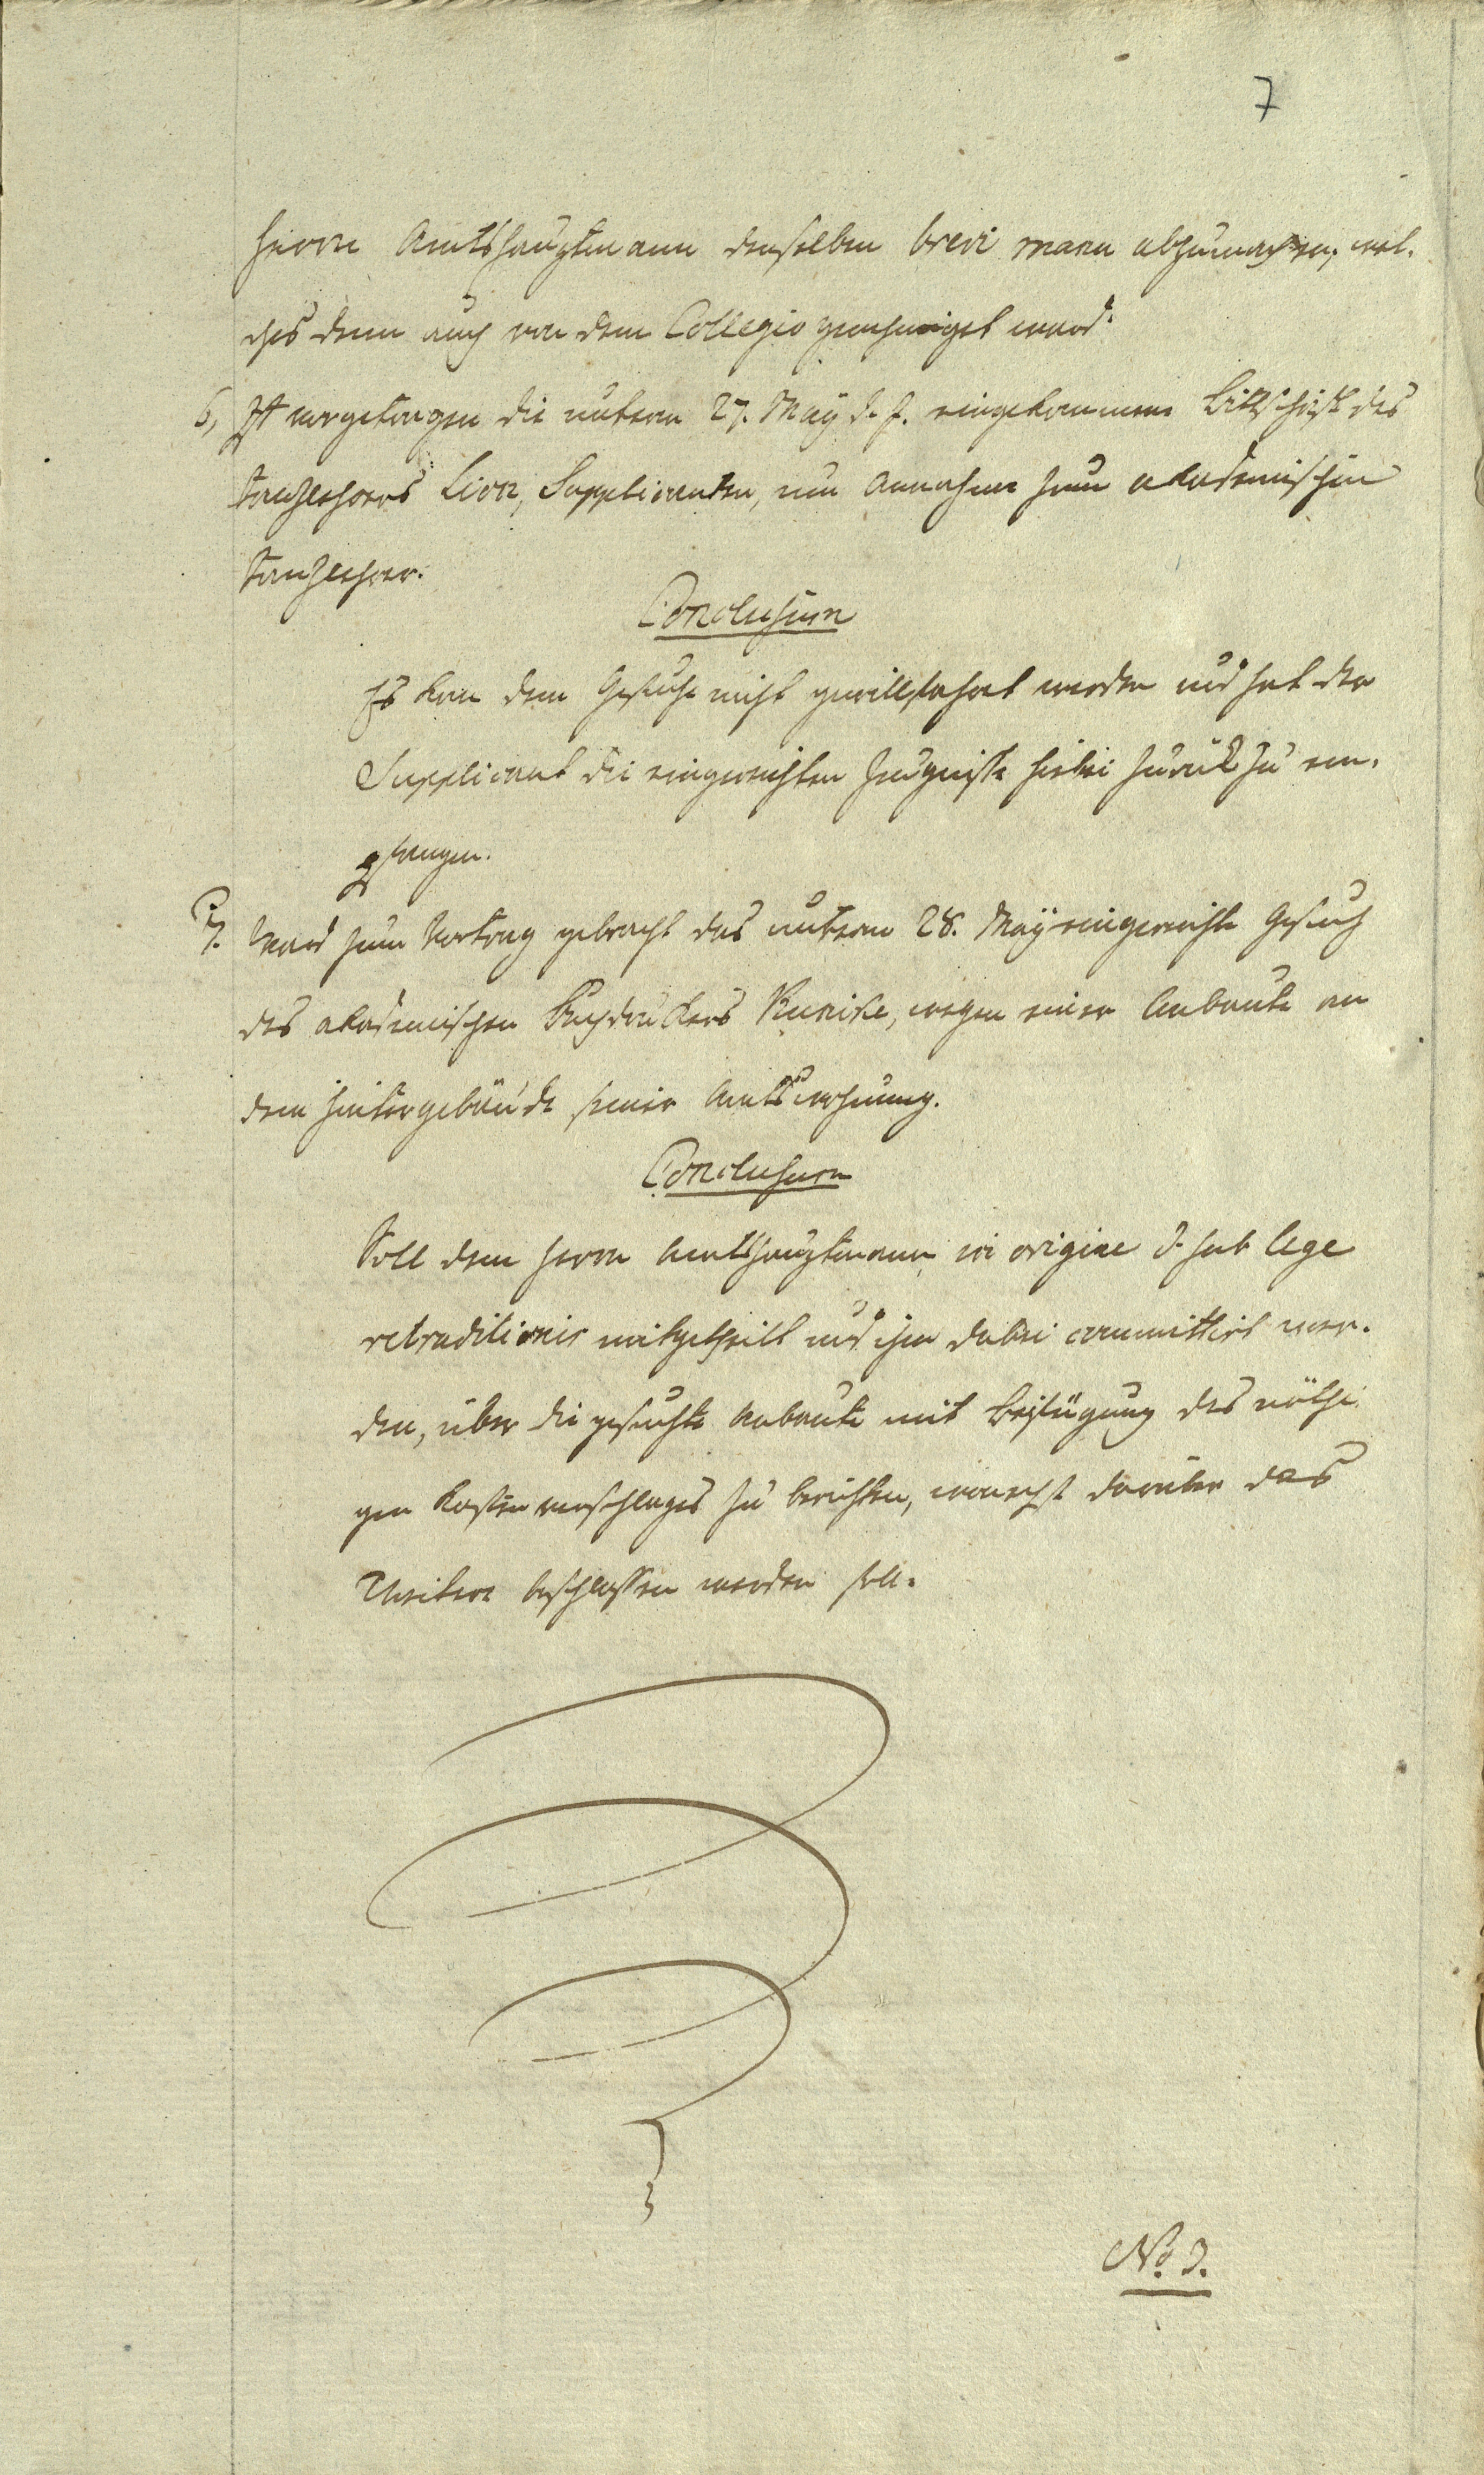Herrn Amtshauptmann denselben brevi manu abzumachen, wel¬
ches denn auch von dem Collegio genehmiget ward.
6, Ist vorgetragen die unterm 27. Maÿ d. J. eingekommene Bittschrift des
Tanzlehrers Lion, Supplicanten, um Annahme zum akademischen
Tanzlehrer.
Conclusum
Es kann dem Gesuche nicht gewillfahret werden und hat der
Supplicant die eingereichten Zeugnisse hiebei zurückzu em¬
pfangen.
7. Ward zum Vortrag gebracht das unterm 28. Maÿ eingereichte Gesuch
des akademischen Buchdruckers Kunike, wegen einer Anbaute an
dem hintergebäude seiner Amtswohnung.
Conclusum
Soll dem Herrn Amtshauptmann in origine d sub lege
retraditionis mitgetheilt und ihm dabei committirt wer¬
den, über die gesuchte Anbaute mit Beifügung des nöthi¬
gen Kostenverschlages zu berichten, wonechst darüber das
Weitere beschlossen werden soll.
No 3.